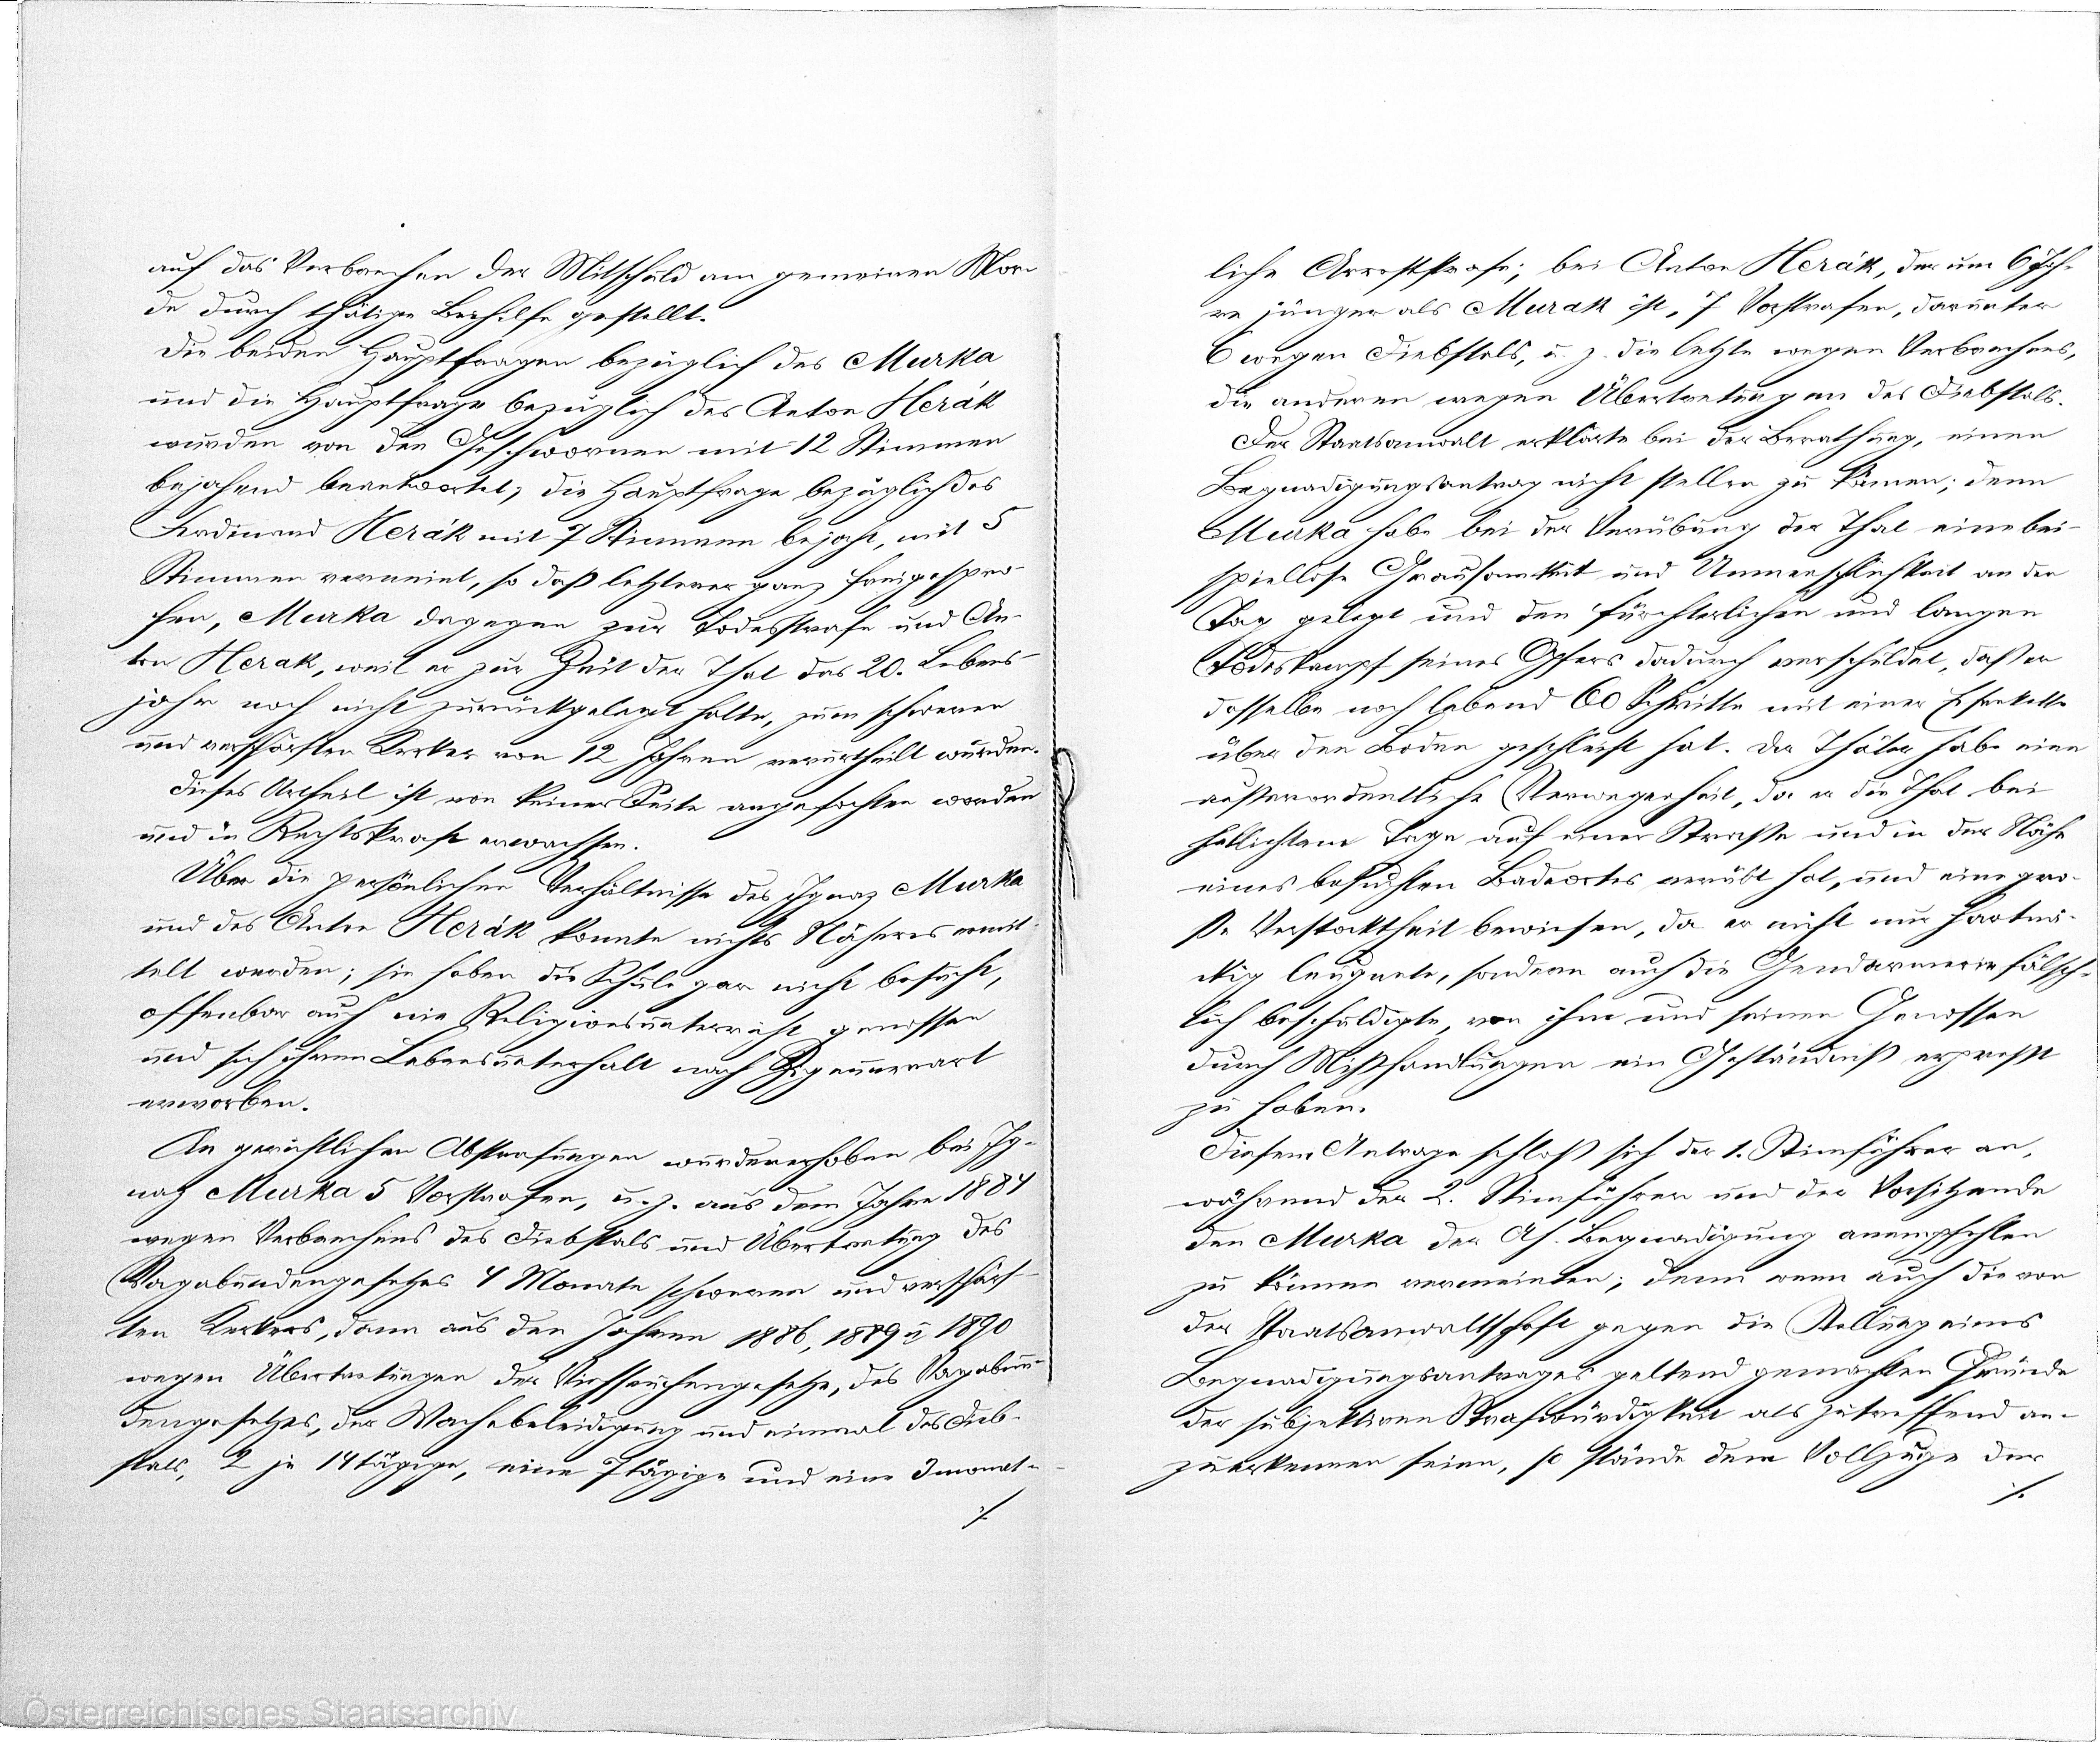auf das Verbrecehn der Mitschuld am gemeiner Mor¬
de durch thätige Beihilfe gestellt.
Die beiden Hauptfragen bezüglich des Murka
und die Hauptfrage bezüglich des Anton Herák
wurden von den Geschwornen mit 12 Stimmen
bejahend beantwortet, die Hauptfrage bezüglich des
Ferdinand Herák mit 7 Stimmen bejaht , mit 5
Stimmen verneint, so daß letzterer ganz freigespro¬
chen, Murka dagegen zur Todesstrafe und An¬
ton Herak, weil er zu Zeit der That das 20. Lebens¬
jahr noch nicht zurückgelegt hatte zum schweren
und verschärtfen Kerker von 12 Jahren verurtheilt wurden.
Dieses Urtheil ist von keiner Seite angefochten worden
und n Rechtskraft erwachsem.
Über die persönlichen Verhältnisse des Ignaz Murka
und des Anton Herák konnte nichts Näheres ermit¬
telt werden; sie haben die Schule gar nicht besucht,
offenbar auch nie Religionsunterreicht genossen
und sich ihren Lebensunterhalt nach Zigeunerart
erworben.
An gerichtlichen Abstrafungen wurden erhoben bei Ig¬
naz Murka 5 Vorstrafen, u.z. aus dem Jahre 1884
wegen Verbrenchens des Diebstals und Übertretung des
Vagabundengesetzes 4 Monate schweren und verschärf¬
ten Kerkers, dann aus den Jahren 1886, 1889 u 1890
wegen Übertretungen der Viehseuchengesetze, des Vagabun¬
dengesetzes, der Wachebeleidigung und einmal des Dieb¬
stals, 2 je 14tägigen, eine 7tägige und eine 3monat¬
liche Arreststrafe; bei Anton Herák, der um 6Jah¬
re jünger als Murak ist, 7 Vorstrafen, darunter
6 wegen Diebstals, u.z. die letzte wegen Verbrechens,
die anderen wegen Übertretung an der Diebstals.
Der Staatsanwalt erkluarte bei der Berathung, einen
Begnadigungsantrag nicht stellen zu können; denn
Murka habe bei der Verübung der That eine bei¬
spiellose Grausamkeit und Unmenschlichkeit an den
Tag gelegt und den fürchterlichen und langen
Todeskampf seines Opfers dadurch verschildet, daß er
dasselbe noch lebend 60 Schritte mit einer Eisenkette
über den Boden geschleift hat. Der Thäter habe eine
außerordentliche Verwegenheit, das er die That bei
hellichtem Tage auf einer Straße und in der Nähe
eines besuchten Badeortes verübt hat, und eine gro¬
ße Verstocktheit bewiesen, da er nicht nur hartnä¬
ckig leugnete, sondern auch die Gendarmerie fälsch¬
lich beschuldigte, von ihm und seine Genossen
durch Mißhandlungen ein Geständniß erpreßt
zu haben.
Diesem Antrage schloß sich der 1. Stimmführer an,
während der 2. Stimmführer und der Vorsitzende
den Murka der Ah. Begnadigung anempfehlen
zu können vermeinten; denn wenn auch die von
der Staatsanwaltschaft gegen die Stellung eines
Begnadigungsantrages geltend gemachten Gründe
der subjektiven Strafwürdigkeit als zutreffend an¬
zuerkennen seien, so stände dem Vollzuge der